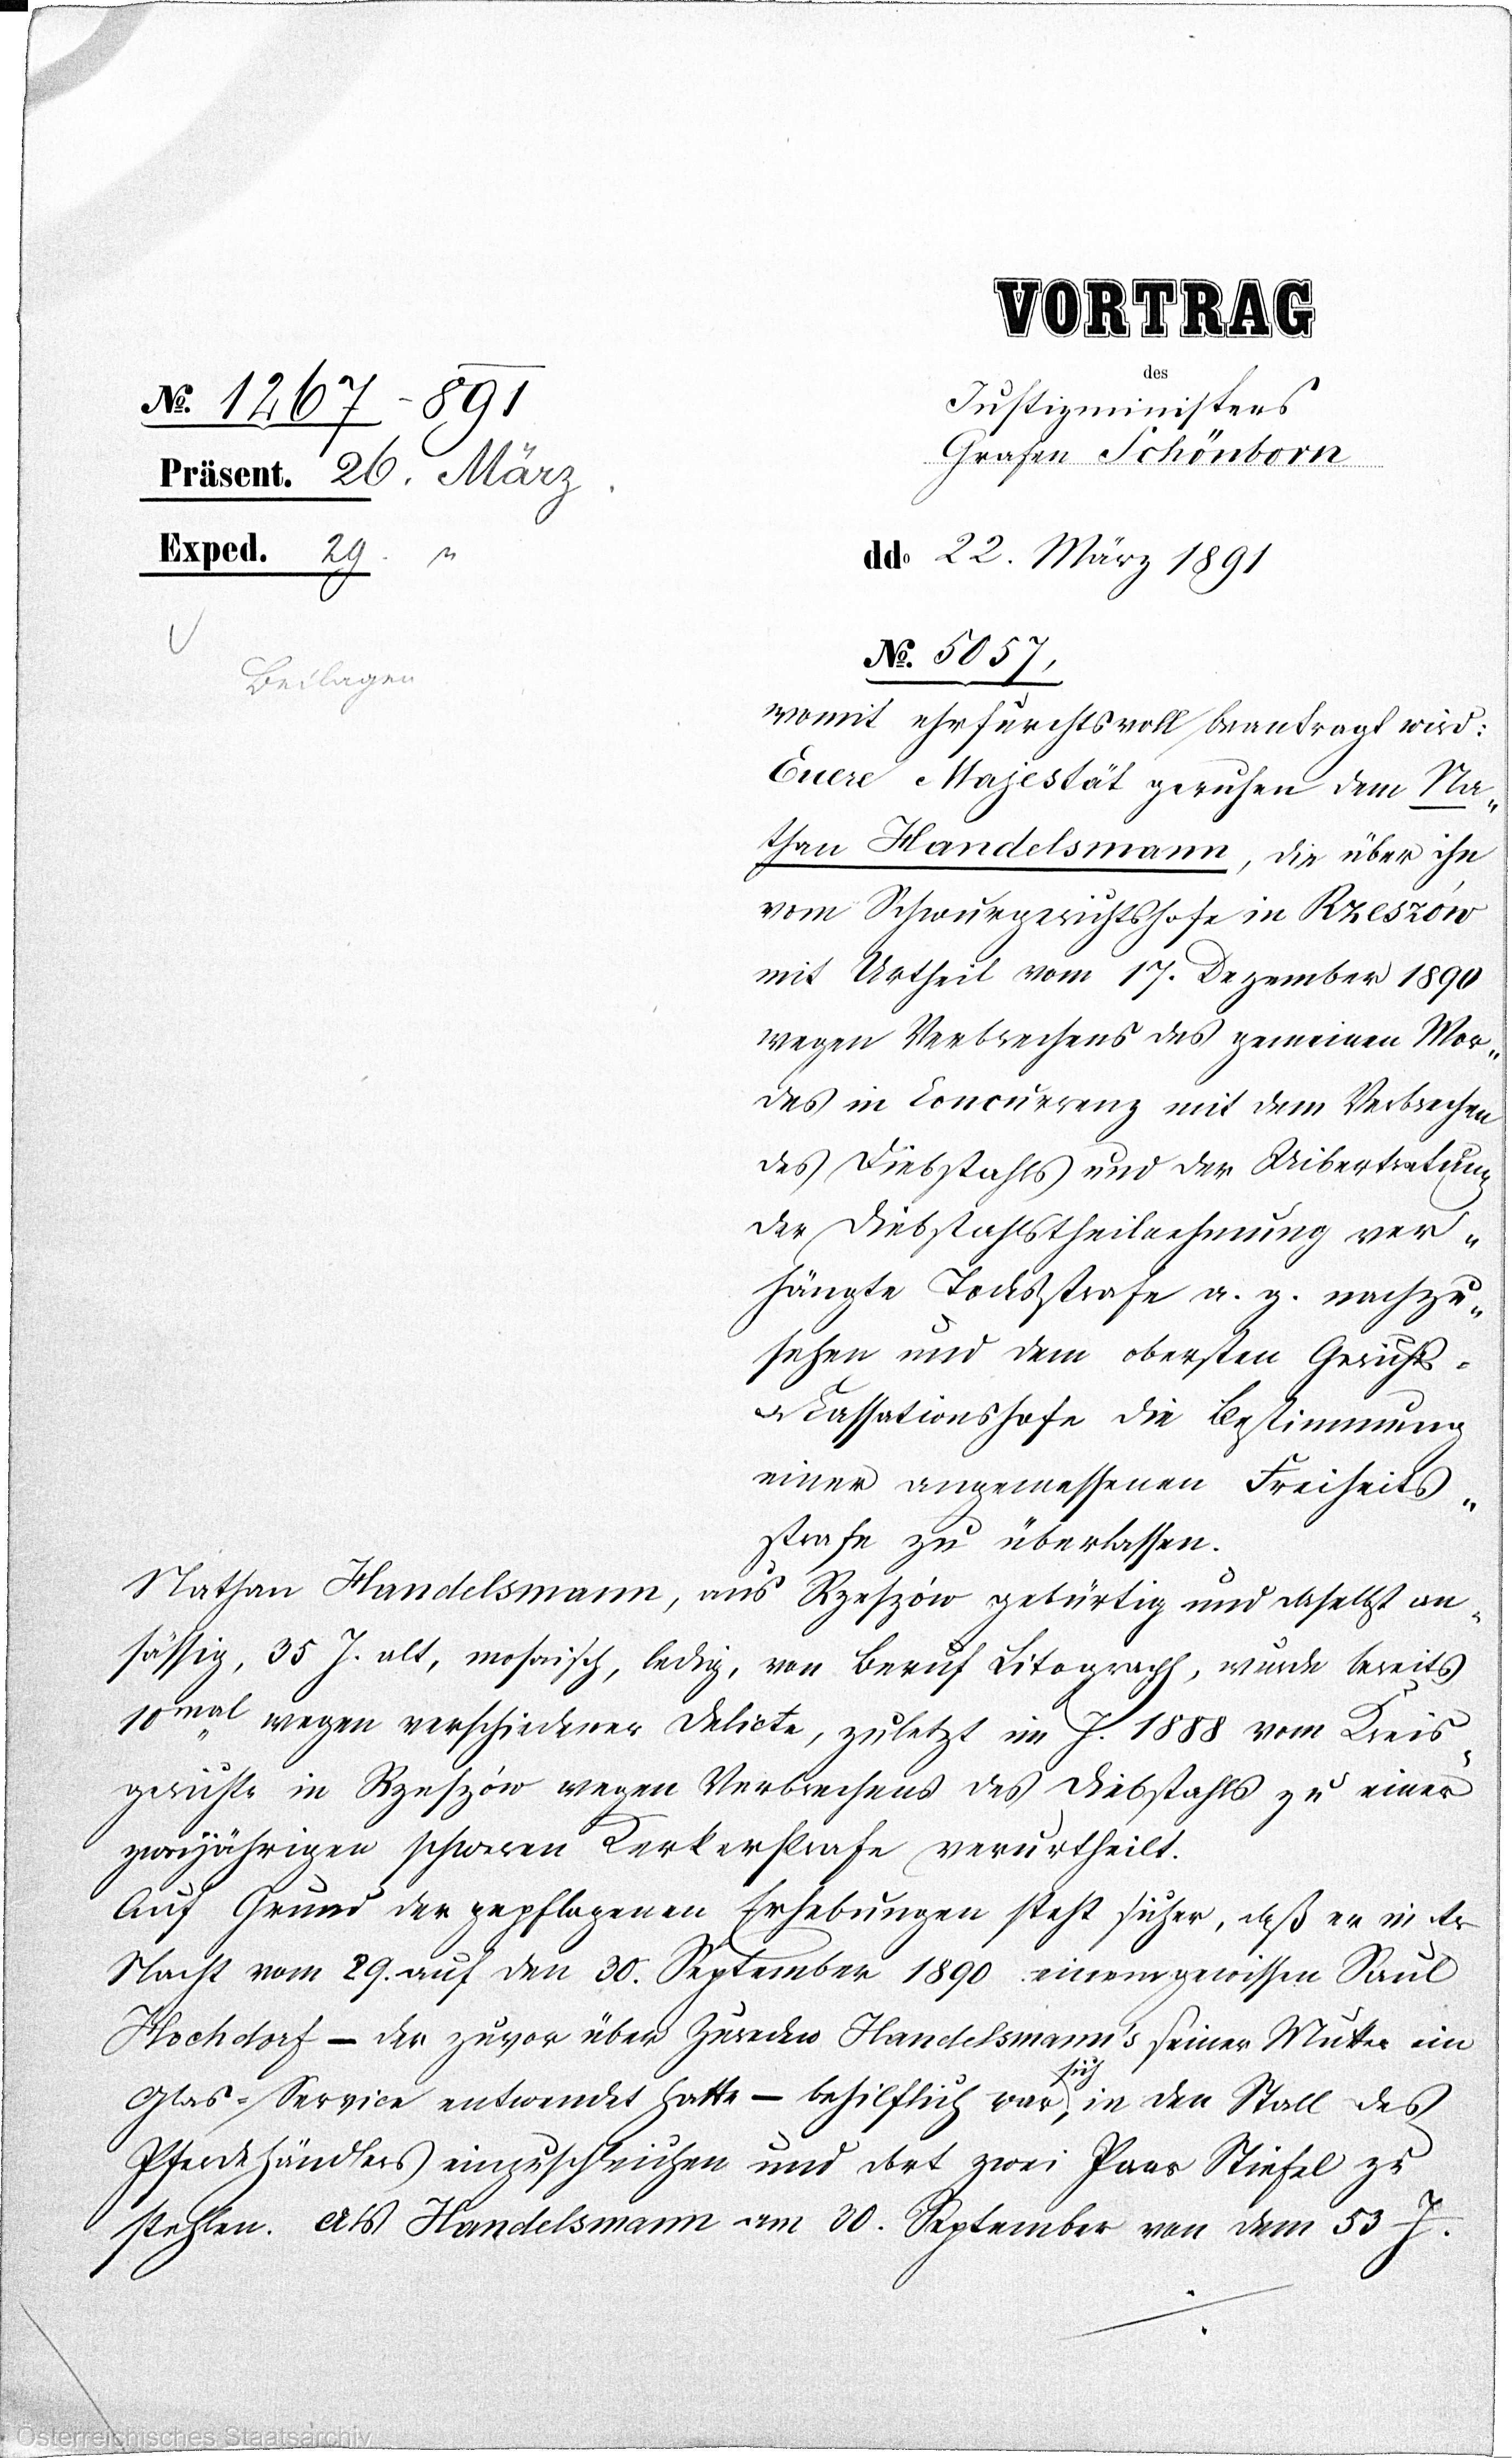VORTRAG
des
Justizministers
Grafen Schönborn
Ddo 22. März 1891
No 5057,
Womit ehrfürchtsvoll beantragt wird:
Euere Majestät geruhen dem Na¬
than Handelsmann, die über ihn
vom Schwurgerichtshofes in Rzeszów
mit Urtheil vom 17. Dezember 1890
wegen Verbrechens des gemeinen Mor¬
des in Concurrenz mit dem Verbrechen
des Diebstahls und der Uibertretung
der Diebstahlstheilnehmung ver¬
hängte Todesstrafe a.g. nachzu¬
sehen und dem obersten Gerichts¬
u. Cassationshofe die Bestimmung
einer angemessenen Freiheits¬
strafe zu überlassen.
Nathan Handelsmann, aus Rzeszów gebürtig und daselbst an¬
sässig, 35 J. alt, mosaisch, ledig, von Beruf Litograph, wurde bereits
10mal wegen verschiedener Delicte, zuletzt im J. 1888 vom Kreis¬
gerichte in Rzeszów wegen Verbrechens des Diebstahls zu einer
zweijährigen schweren Kerkerstrafe verurtheilt.
Auf Grund der gepflogenen Erhebungen steht sicher, daß er in der
Nacht vom 29 auf den 30. September 1890 einem gewissen Saul
Hochdorf – der zuvor über Zurede? Handelsmann’s seiner Mutter ein
Glas- Service entwendet hatte – behilflich war, sich in den Stall des
Pferdehändlers einzuschleichen und dort zwei Paar Stiefel zu
stehlen. Als Handelsmann am 30. September von dem 53 J.
No. 1267 – 1891
Präsent. 26. März
Expedit 29. „
Beilagen